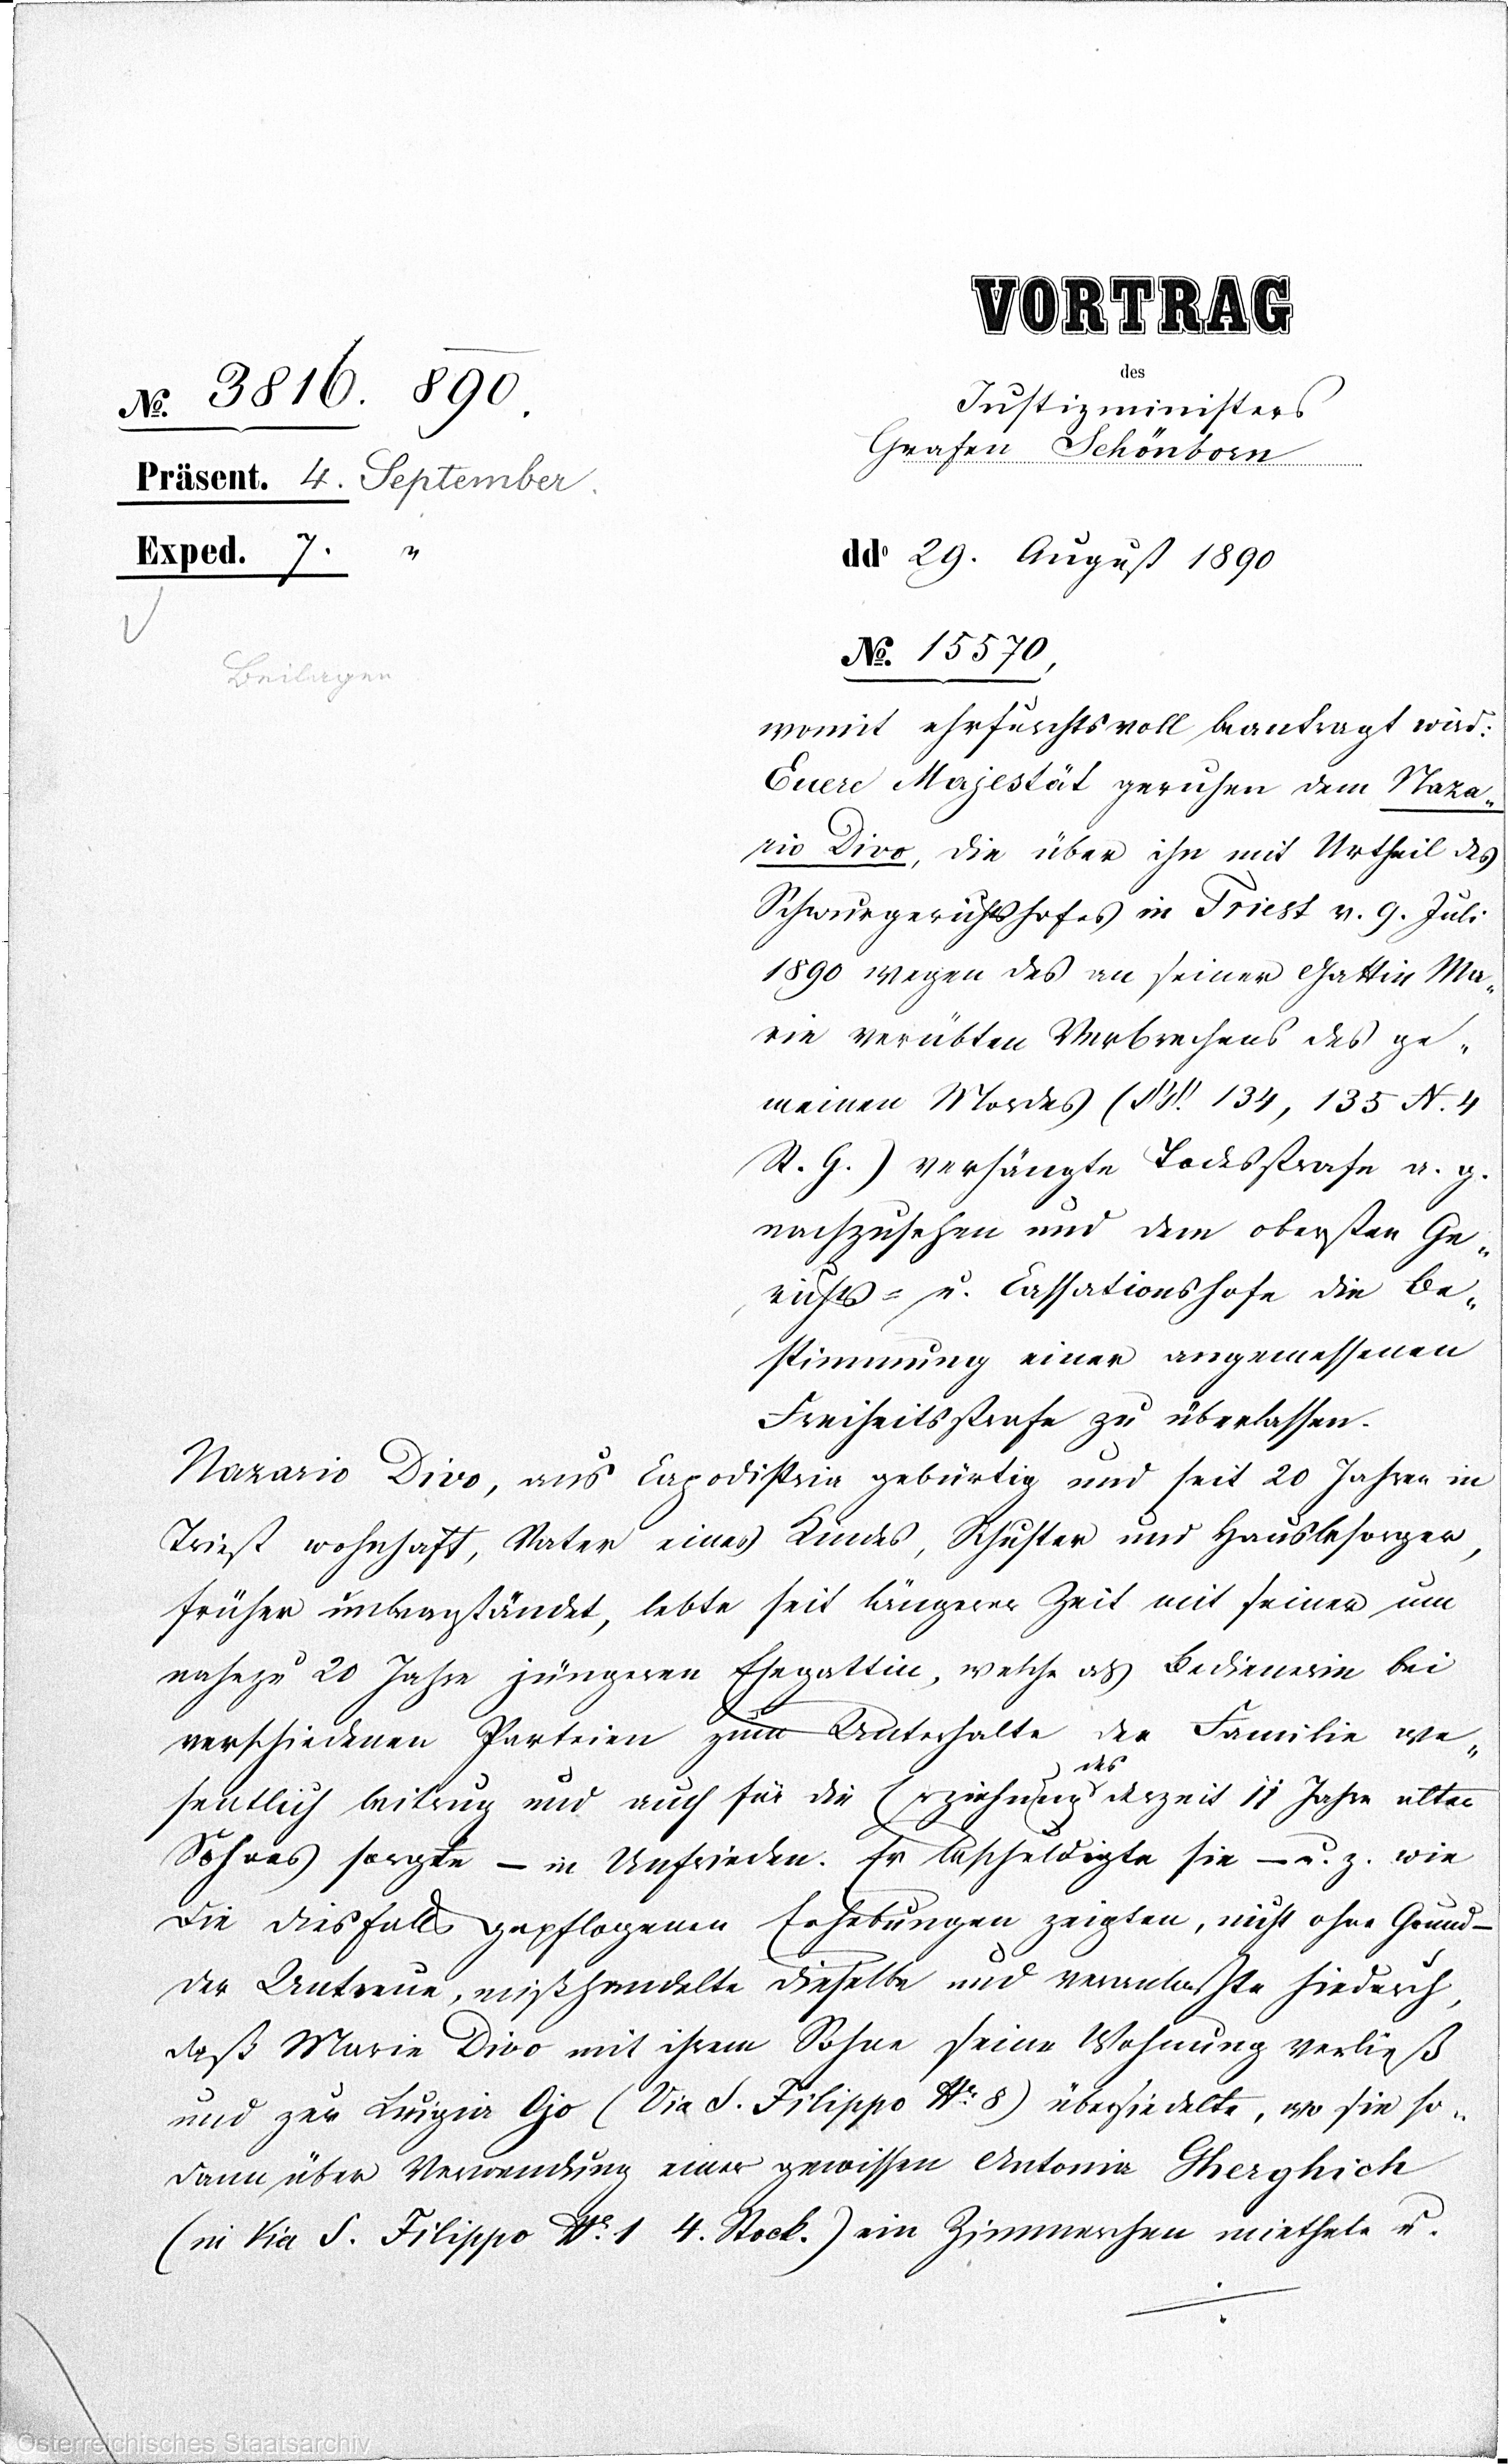N° 3816. 890.
Präsent. 4. September.
Exped. 7. September.
Beilagen
VORTRAG
des
Justizministers
Grafen Schöborn
dd° 29. August 1890
N° 15570,
womit ehrfurchtsvoll beantragt wird:
Euere Majestät geruhen dem Naza¬
rio Divo, die über ihn mit Urtheil des
Schwurgerichtshofes in Triest v. 9. Juli
1890 wegen des an seiner Gattin Ma¬
rie verübten Verbrechens des ge¬
meinen Mordes (§§. 134, 135 N. 4
R. G.) verhängte Todesstrafe a. g.
nachzusehen und dem obersten Ge¬
richts- u. Cassationshofe die Be¬
stimmung einer angemessenen
Freiheitstrafe zu überlassen.
Nazario Divo, aus xxapodistria gebürtig und seit 20 Jahren in
Triest wohnhaft, Vater eines Kindes, Schuster und Hausbesorger,
früher unxxständet, lebte seit längerer Zeit mit seiner um
nahezu 20 Jahre jüngeren Ehegattin, welche als Bedienerin bei
verschiedenen Parteien zum Unterhalte der Familie we¬
des
sentlich beitrug und auch für die Erziehung derzeit 11 Jahre eltec
Sohnes sorgte - in Unfrieden. Er beschuldigte sie - u. z. wie
die diesfalls gepflogenen Erhebungen zeigten, nicht ohne Grun¬
der Untreue, mißhandelte dieselbe und veranlaßte hiederuh,
daß Marie Divo mit ihrem Sohne seine Wohnung verließ
und zur Luigia Ojo (Via S. Filippo xx 8) übersiedelte, xx sie so¬
dann über Verwendung einer gewissen Antonia Gherghich
(in Via S. Filippo xx 1 4. Stock.) ein Zimmerchen miethete u.